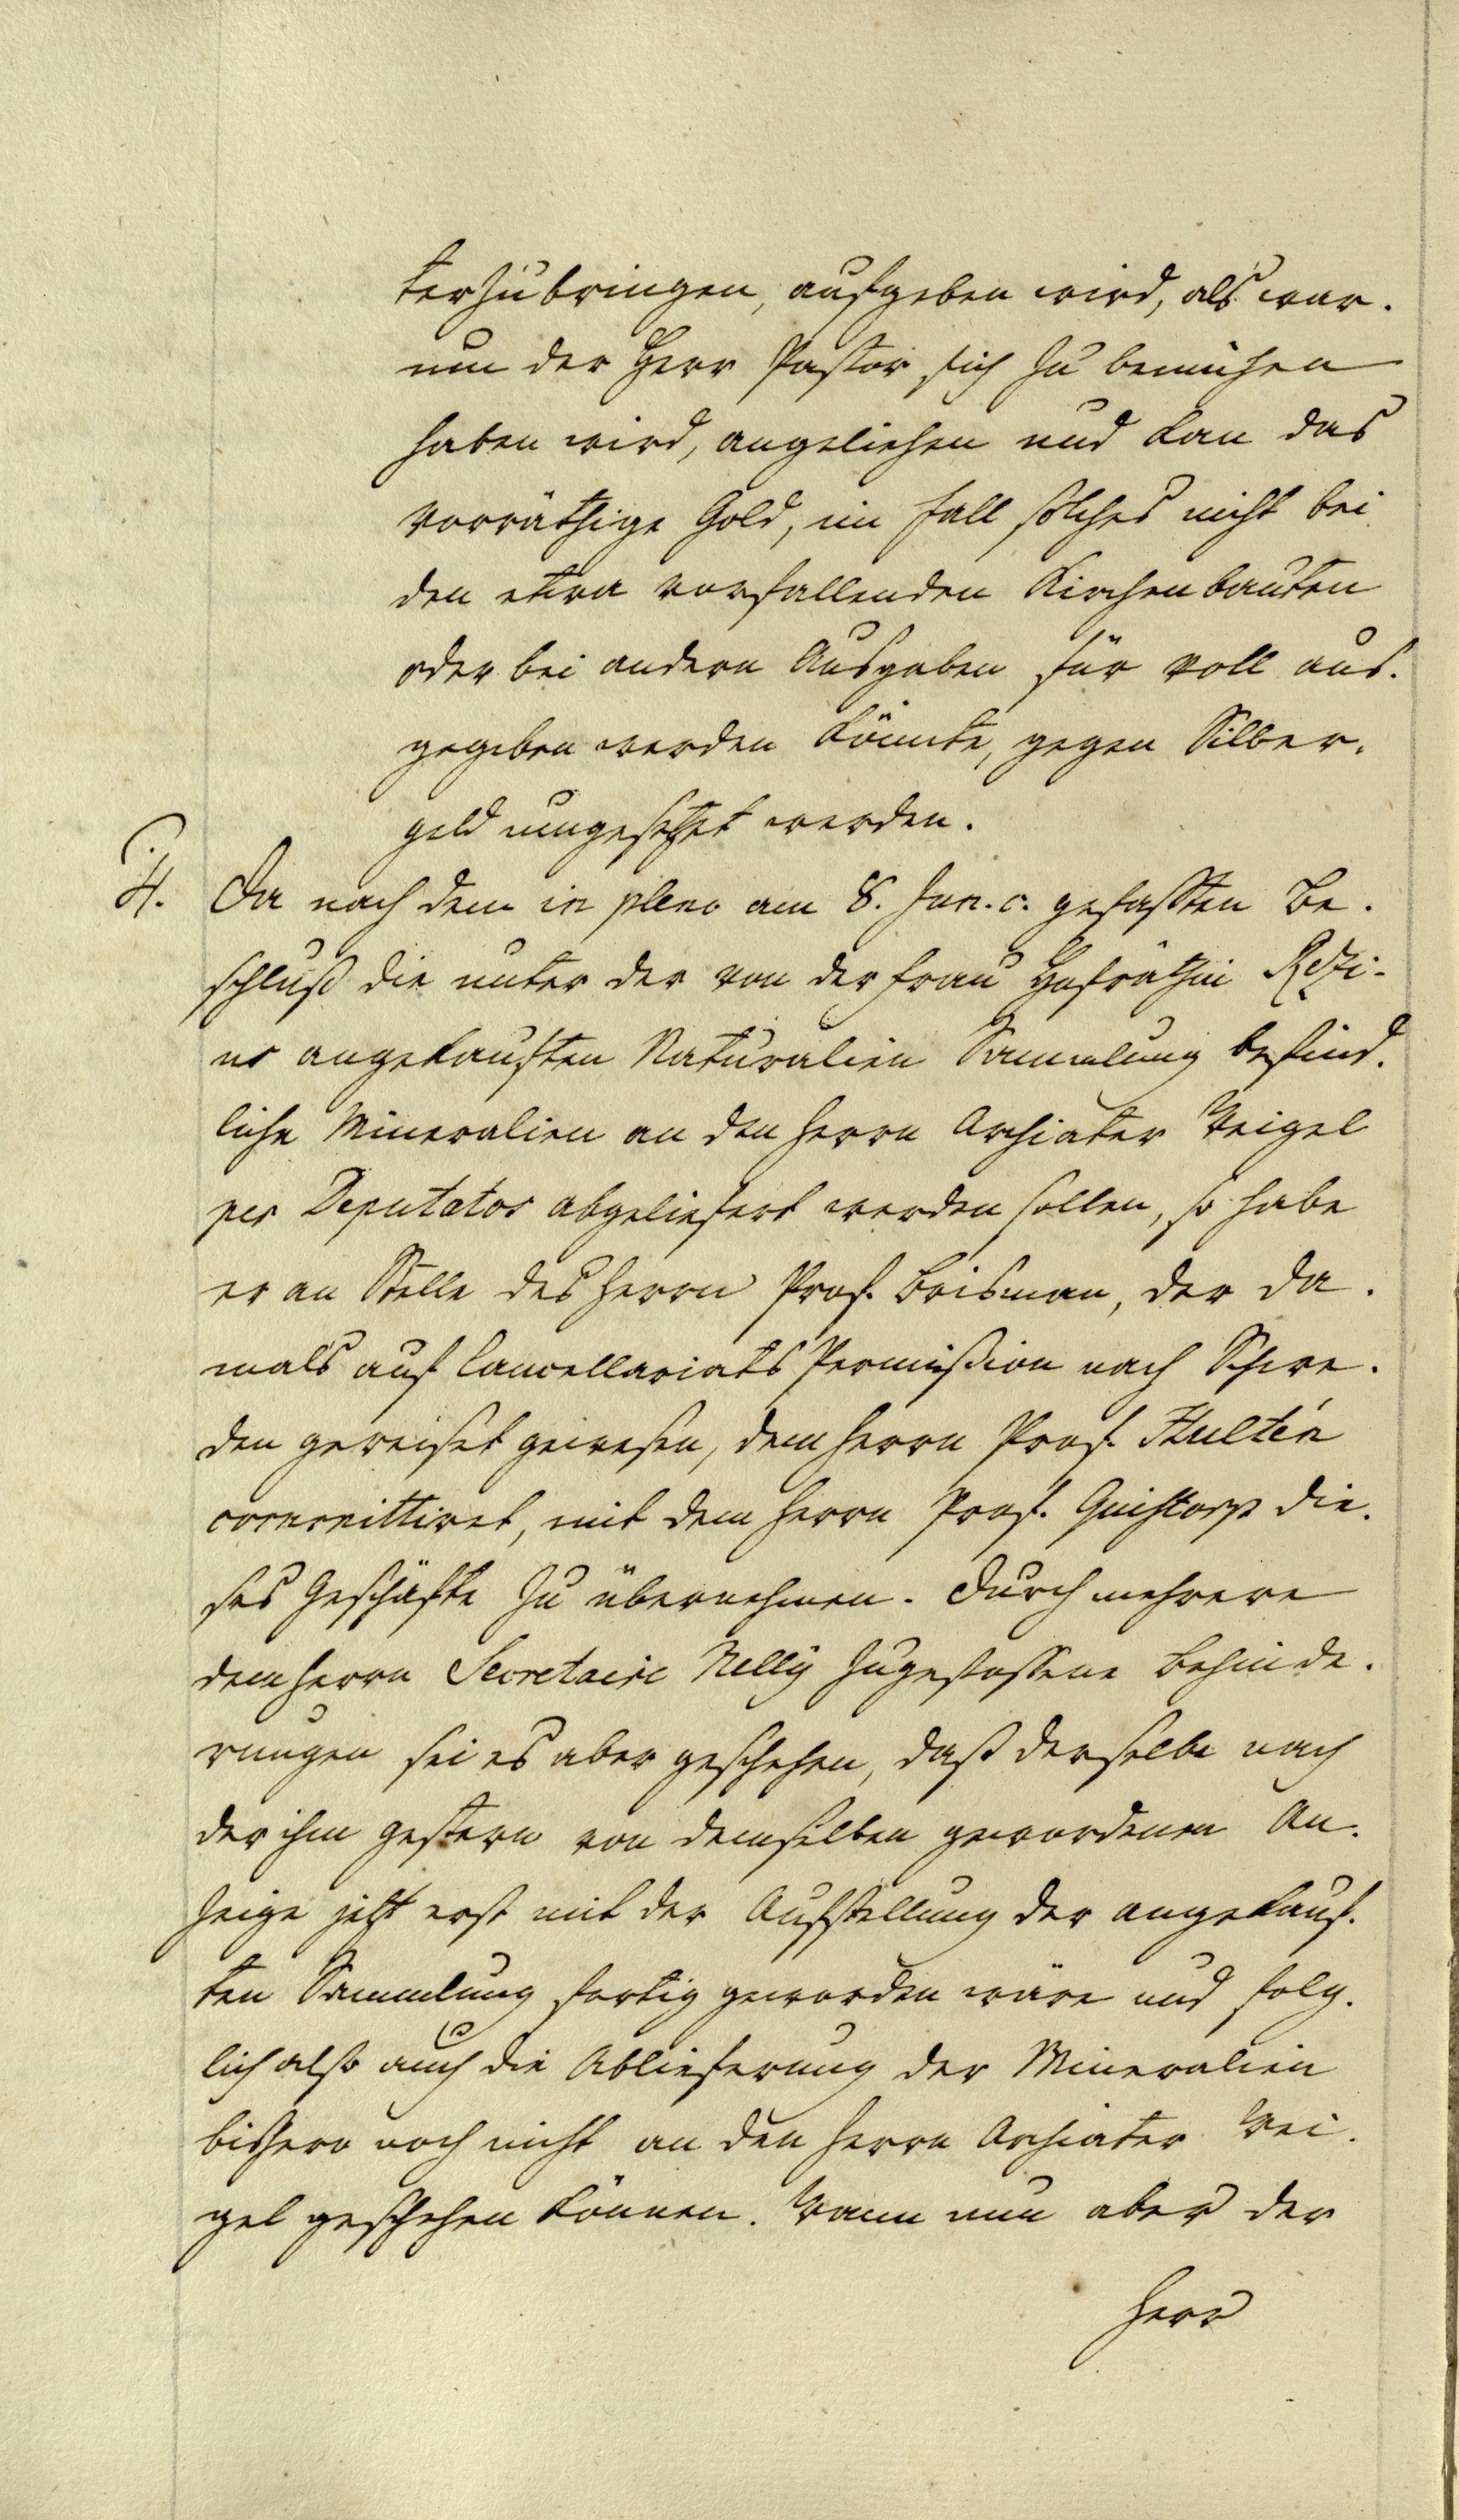terzubringen, aufgeben wird, als war¬
um der Herr Pastor sich zu bemühen
haben wird, angeliehen und kan das
vorräthige Gold, im Fall solches nicht bei
den etwa vorfallenden Kirchenbauten
oder bei andern Ausgaben für voll aus¬
gegeben werden könnte, gegen Silber¬
geld umgesetzet werden.
4. Da nach dem in pleno am 8., Jun. c. gefaßten Be¬
schluß die unter der von der Frau Hofräthin Rezi¬
us angekauften Naturalien Sammlung befind¬
liche Mineralien an den Herrn Archiater Weigel
per Deputatos abgeliefert werden sollen, so habe
er an Stelle des Herrn Prof. Brisman, der da¬
mals auf Cancellariats Permißion nach Schwe¬
den gereiset gewesen, dem Herrn Prof Hultén
committiret, mit dem Herrn Prof. Quistorp die¬
ses Geschäfte zu übernehmen. Durch mehrere
dem Herrn Secretaire Nelly zugestossene Behinde¬
rungen sei es aber geschehen, daß derselbe nach
der ihm gestern von demselben gewordenen An¬
zeige jetzt erst mit der Aufstellung der angekauf¬
ten Sammlung fertig geworden wäre und folg¬
lich also auch die Ablieferung der Mineralien
bishero noch nicht an den Herrn Archiater Wei¬
gel geschehen können. Wann nun aber der
Herr